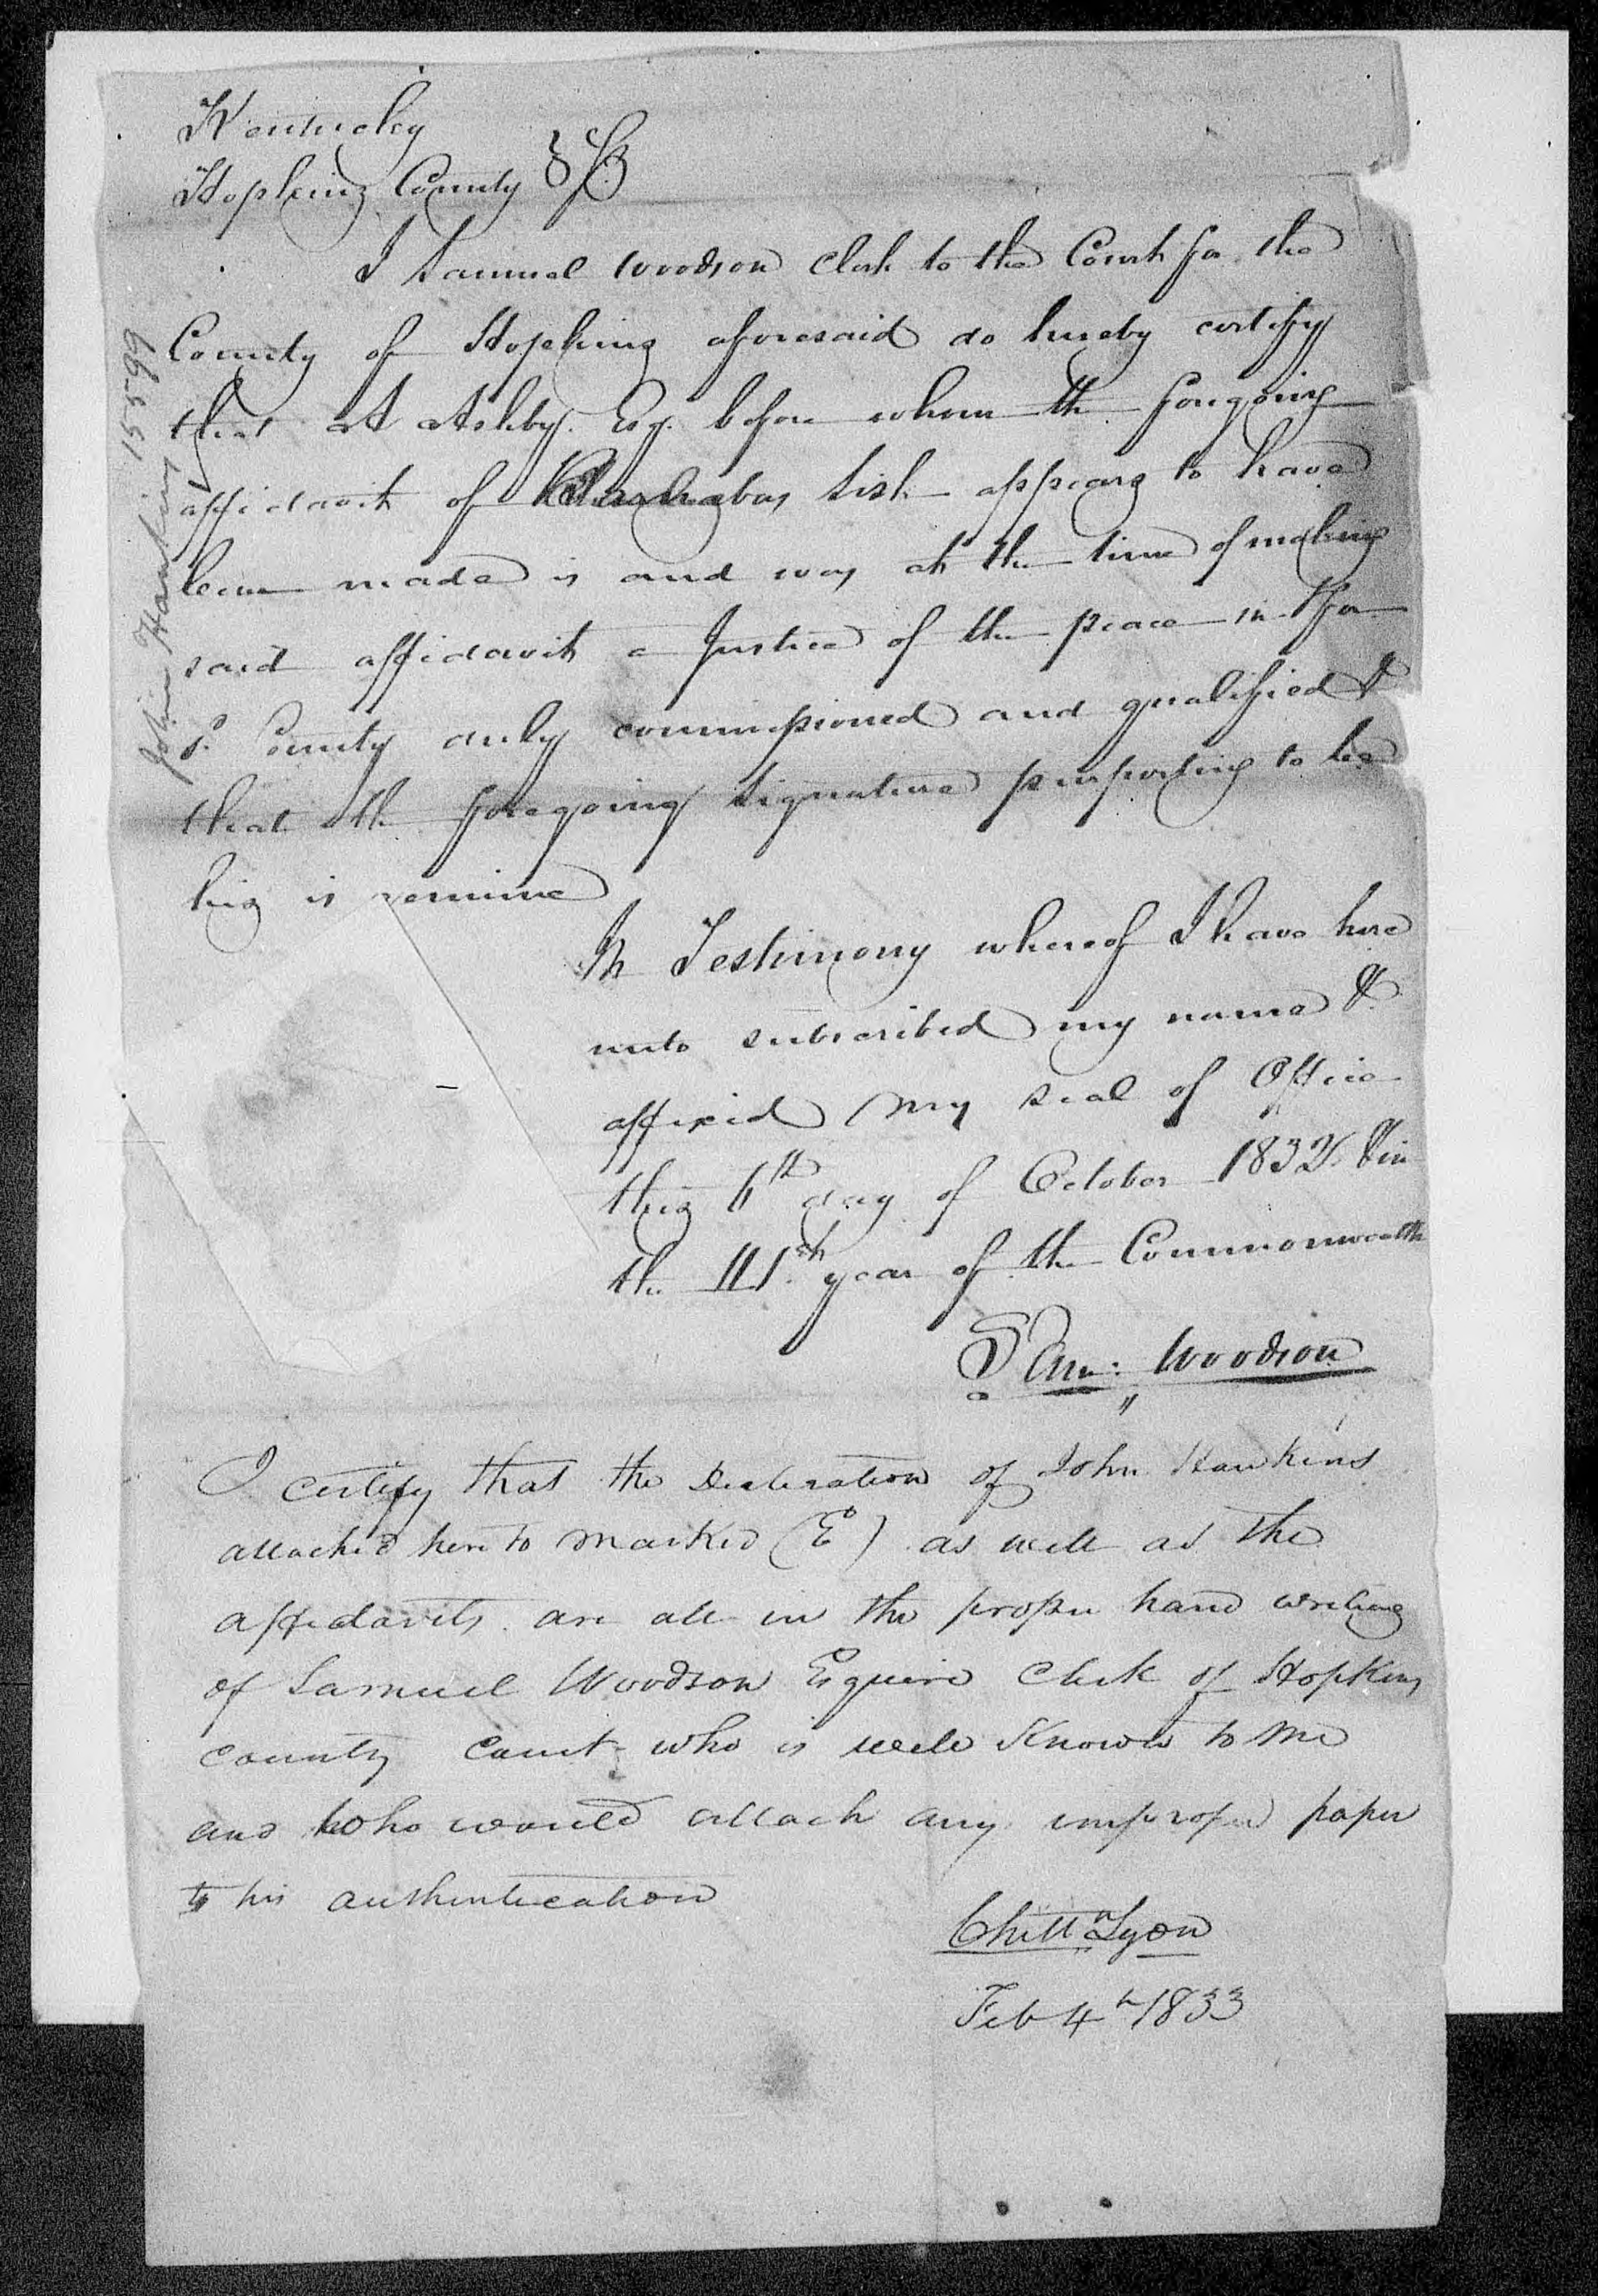Kentucky
Hopkins County [illegible]
I Samuel Woodson clerk to the Court for the County of Hopkins aforesaid do hereby certify that A. Ashby. Esq. before whom the forgoing affidavit of Barnabas Sisk to have been made is and every at the time of making said affidavit a Justice of the peace in Hopkins County duly commissioned and qualified that the foregoing signature purporting to be his is genuine
In Testimony whereof I have here unto inscribed my name & affixed my seal of Office this 6th day of October 1832 in the 41st year of the Commonwealth
Samuel Woodson

I certify that the Declaration of John Hawkins attached here to marked (E) as well as the affidavits are all in proper hand writing of Samuel Woodson Esquire Clerk of Hopkins County Court who is well known to me and who would attach any [illegible] paper to his authentication
Chitt Lyon
Feb 4 1833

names: John Hawkins, Samuel Woodson, Samuel Woodson, John Hankins, Chitt Lyon, A Ashby, Sam Woodson, Barnabas Sisk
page: 19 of 19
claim: survivor's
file: S. 16404, John Hankins, Va.